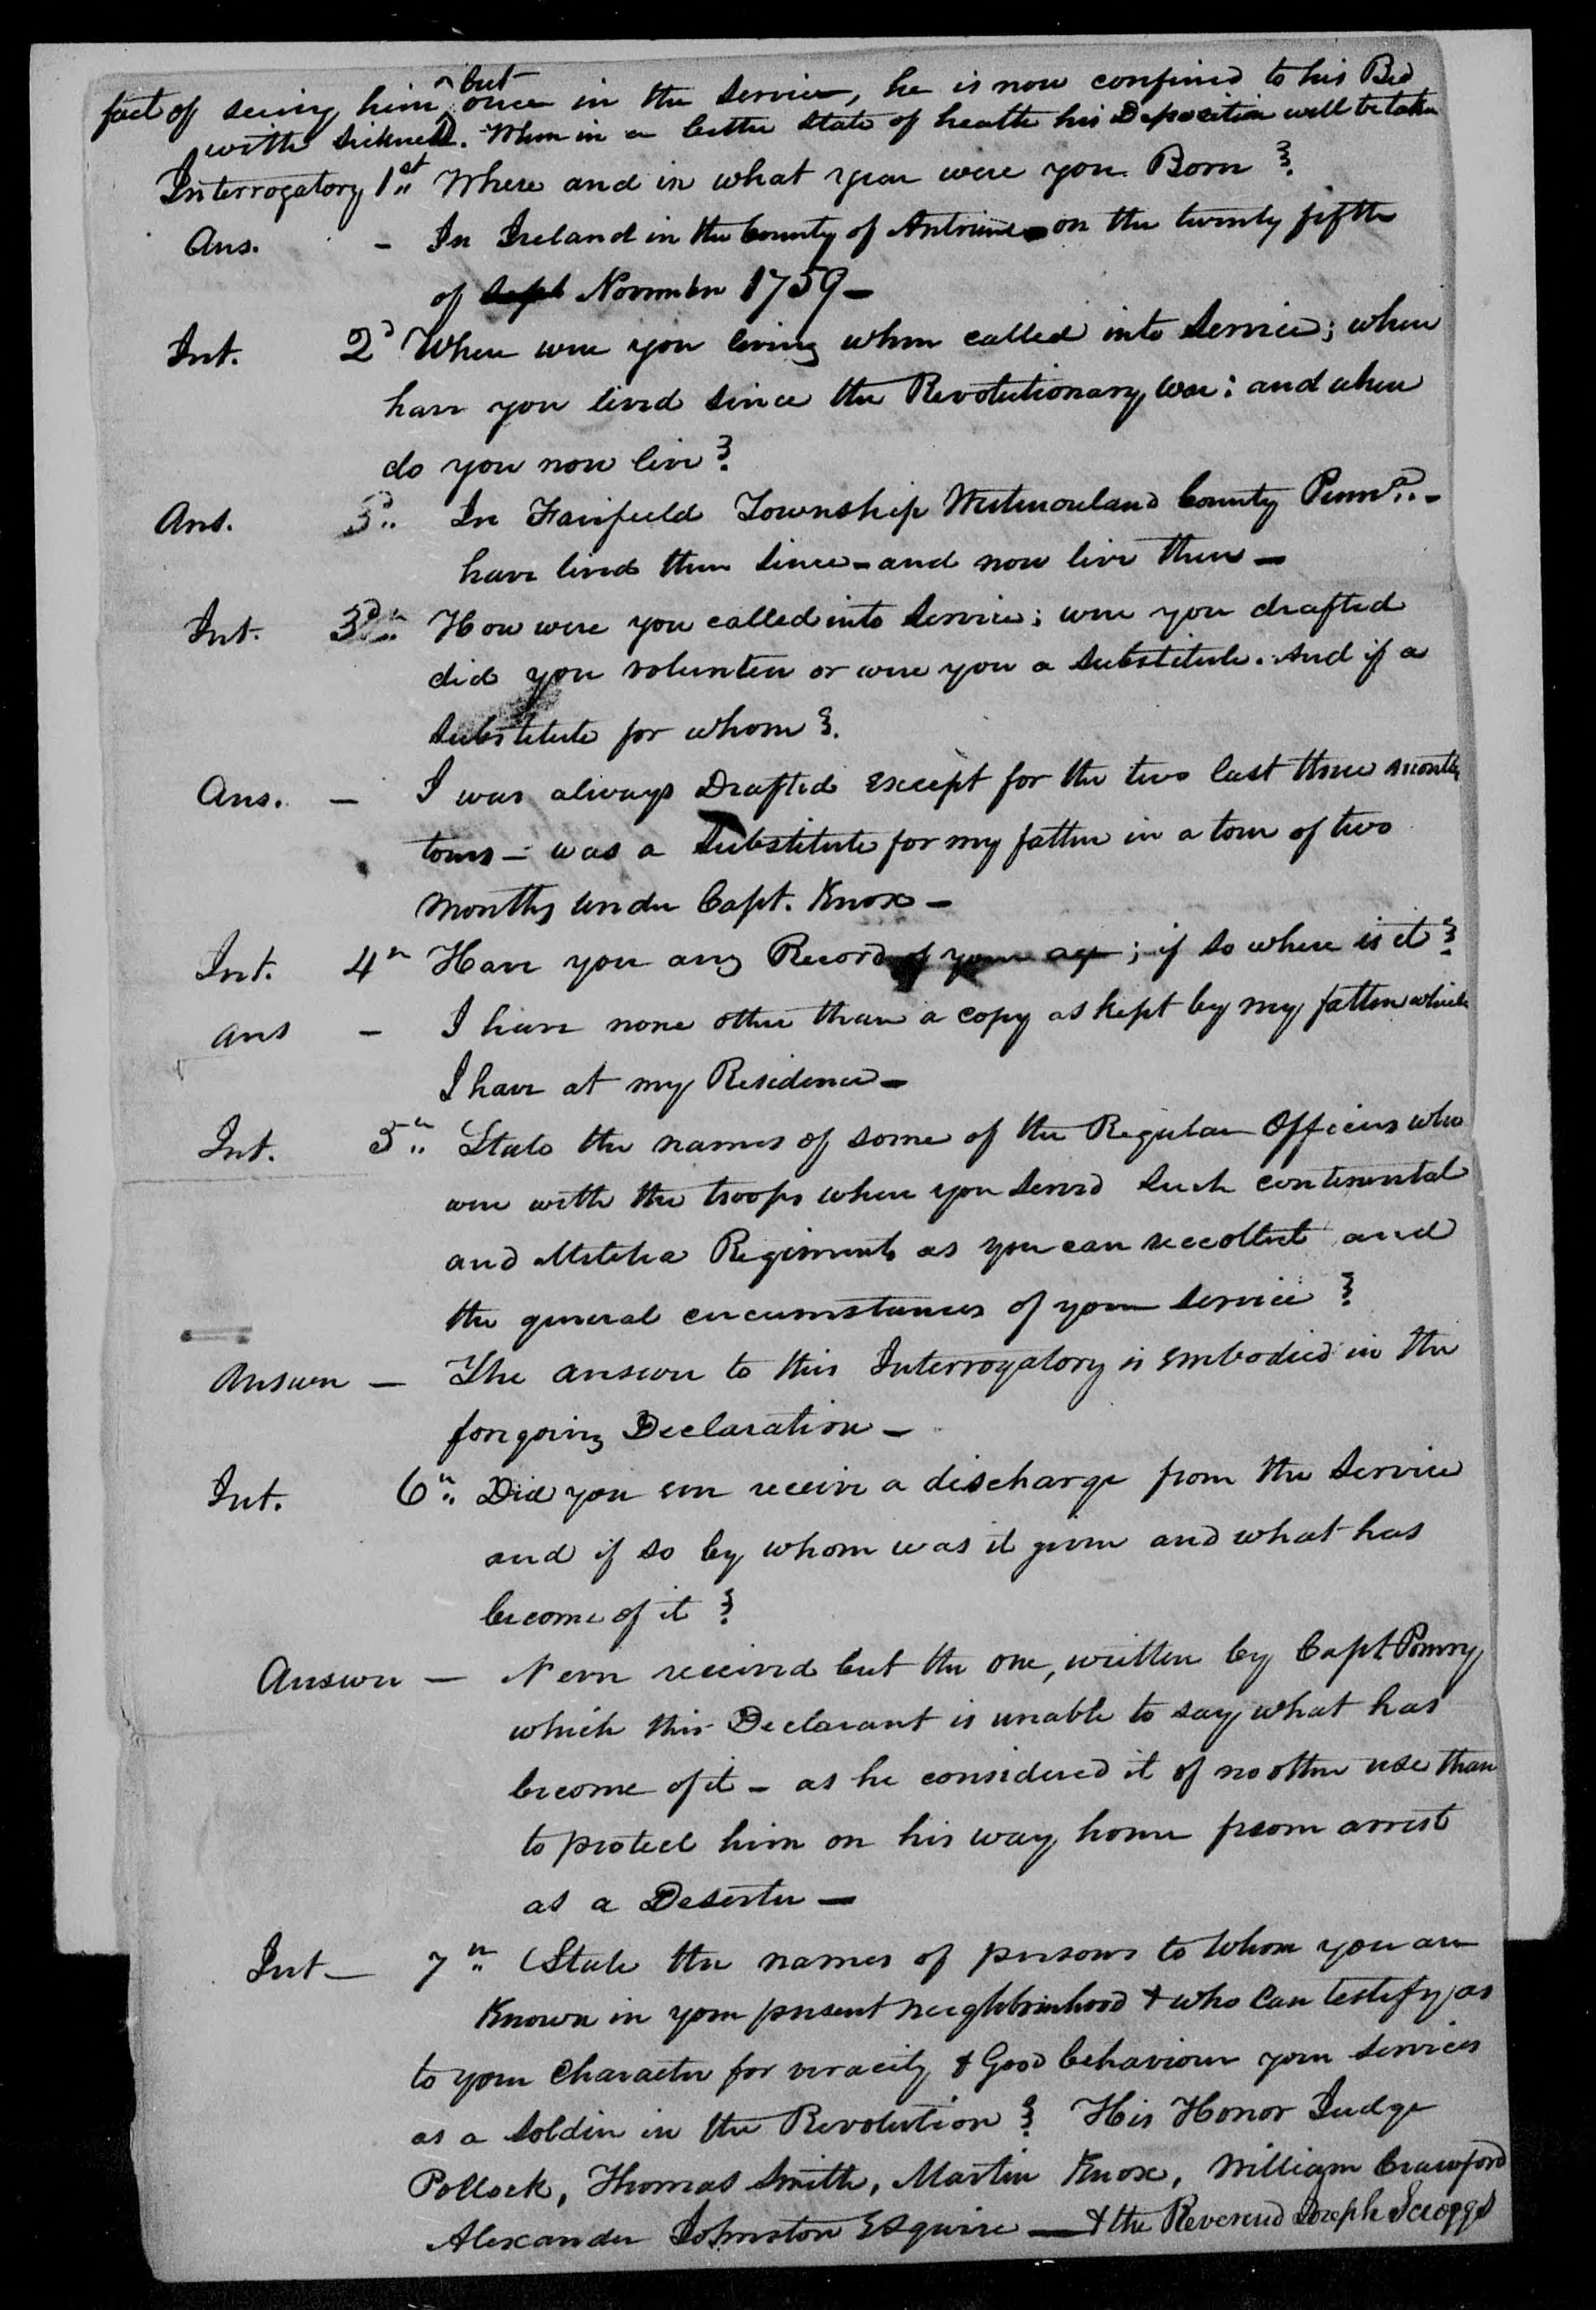fact of seeing with but once in the service, he is now confined to his Bed with Sickness. When in a Better State of heath his Deposition will be taken 

Interrogatory 1st Where and in what year were you born ?
Ans. -  In Ireland in the County of Antrim on the twenty fifth of Sept [crossed through] November 1759 – 

Int. 2d Where were you living when called into service; where have you lived since the Revolutionary war: and where do you now live? 
Ans. 2d In Fairfield Township Westmoreland County Penna- have lived there since- and now live there- 

Int. 3d How were you called into service; were you drafted did you volunteer or were you a substitute. And if a substitute for whom ?
Ans. - I was always Drafted except for the two last three month tours - was a substitute for my father in a tour of two months under Capt. Knox – 

Int. 4th Have you any Record of your age; if so where is it? 
Ans - I have none other than a copy as kept by my father which I have at my Residence- 

Int. 5th State the names of some of the Regular Officers who were with the troops when you served such continental and Militia Regiments as you can reccollect and the general circumstances of your service?
Answer -  The answer to this Interrogatory is embodied in the foregoing Declaration- 

Int. 6th  Did you ever receive a discharge from the Service and if so by whom was it given and what has become of it? 
Answer - Never received but the one, written by Capt Pomry which this Declarant is unable to say what has become of it - as he considered it of no other use than to protect him on his way home from arrest as a Deserter – 

Int - 7th State the names of persons to whom you are known in your present neighborhood & who can testify as to your character for veracity & good behaviour your services as a soldier in the Revolution?
His Honor Judge Pollock, Thomas Smith, Martin Knox, William Crawford Alexander Johnston Esquire _& the Reverend Joseph Scroggs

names: Knox, Martin Knox, Pollock, Alexander Johnston, Thomas Smith, William Crawford, Joseph Scroggs, Pomry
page: 13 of 92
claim: widow's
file: W 1173, Robert Hamill, Penn.